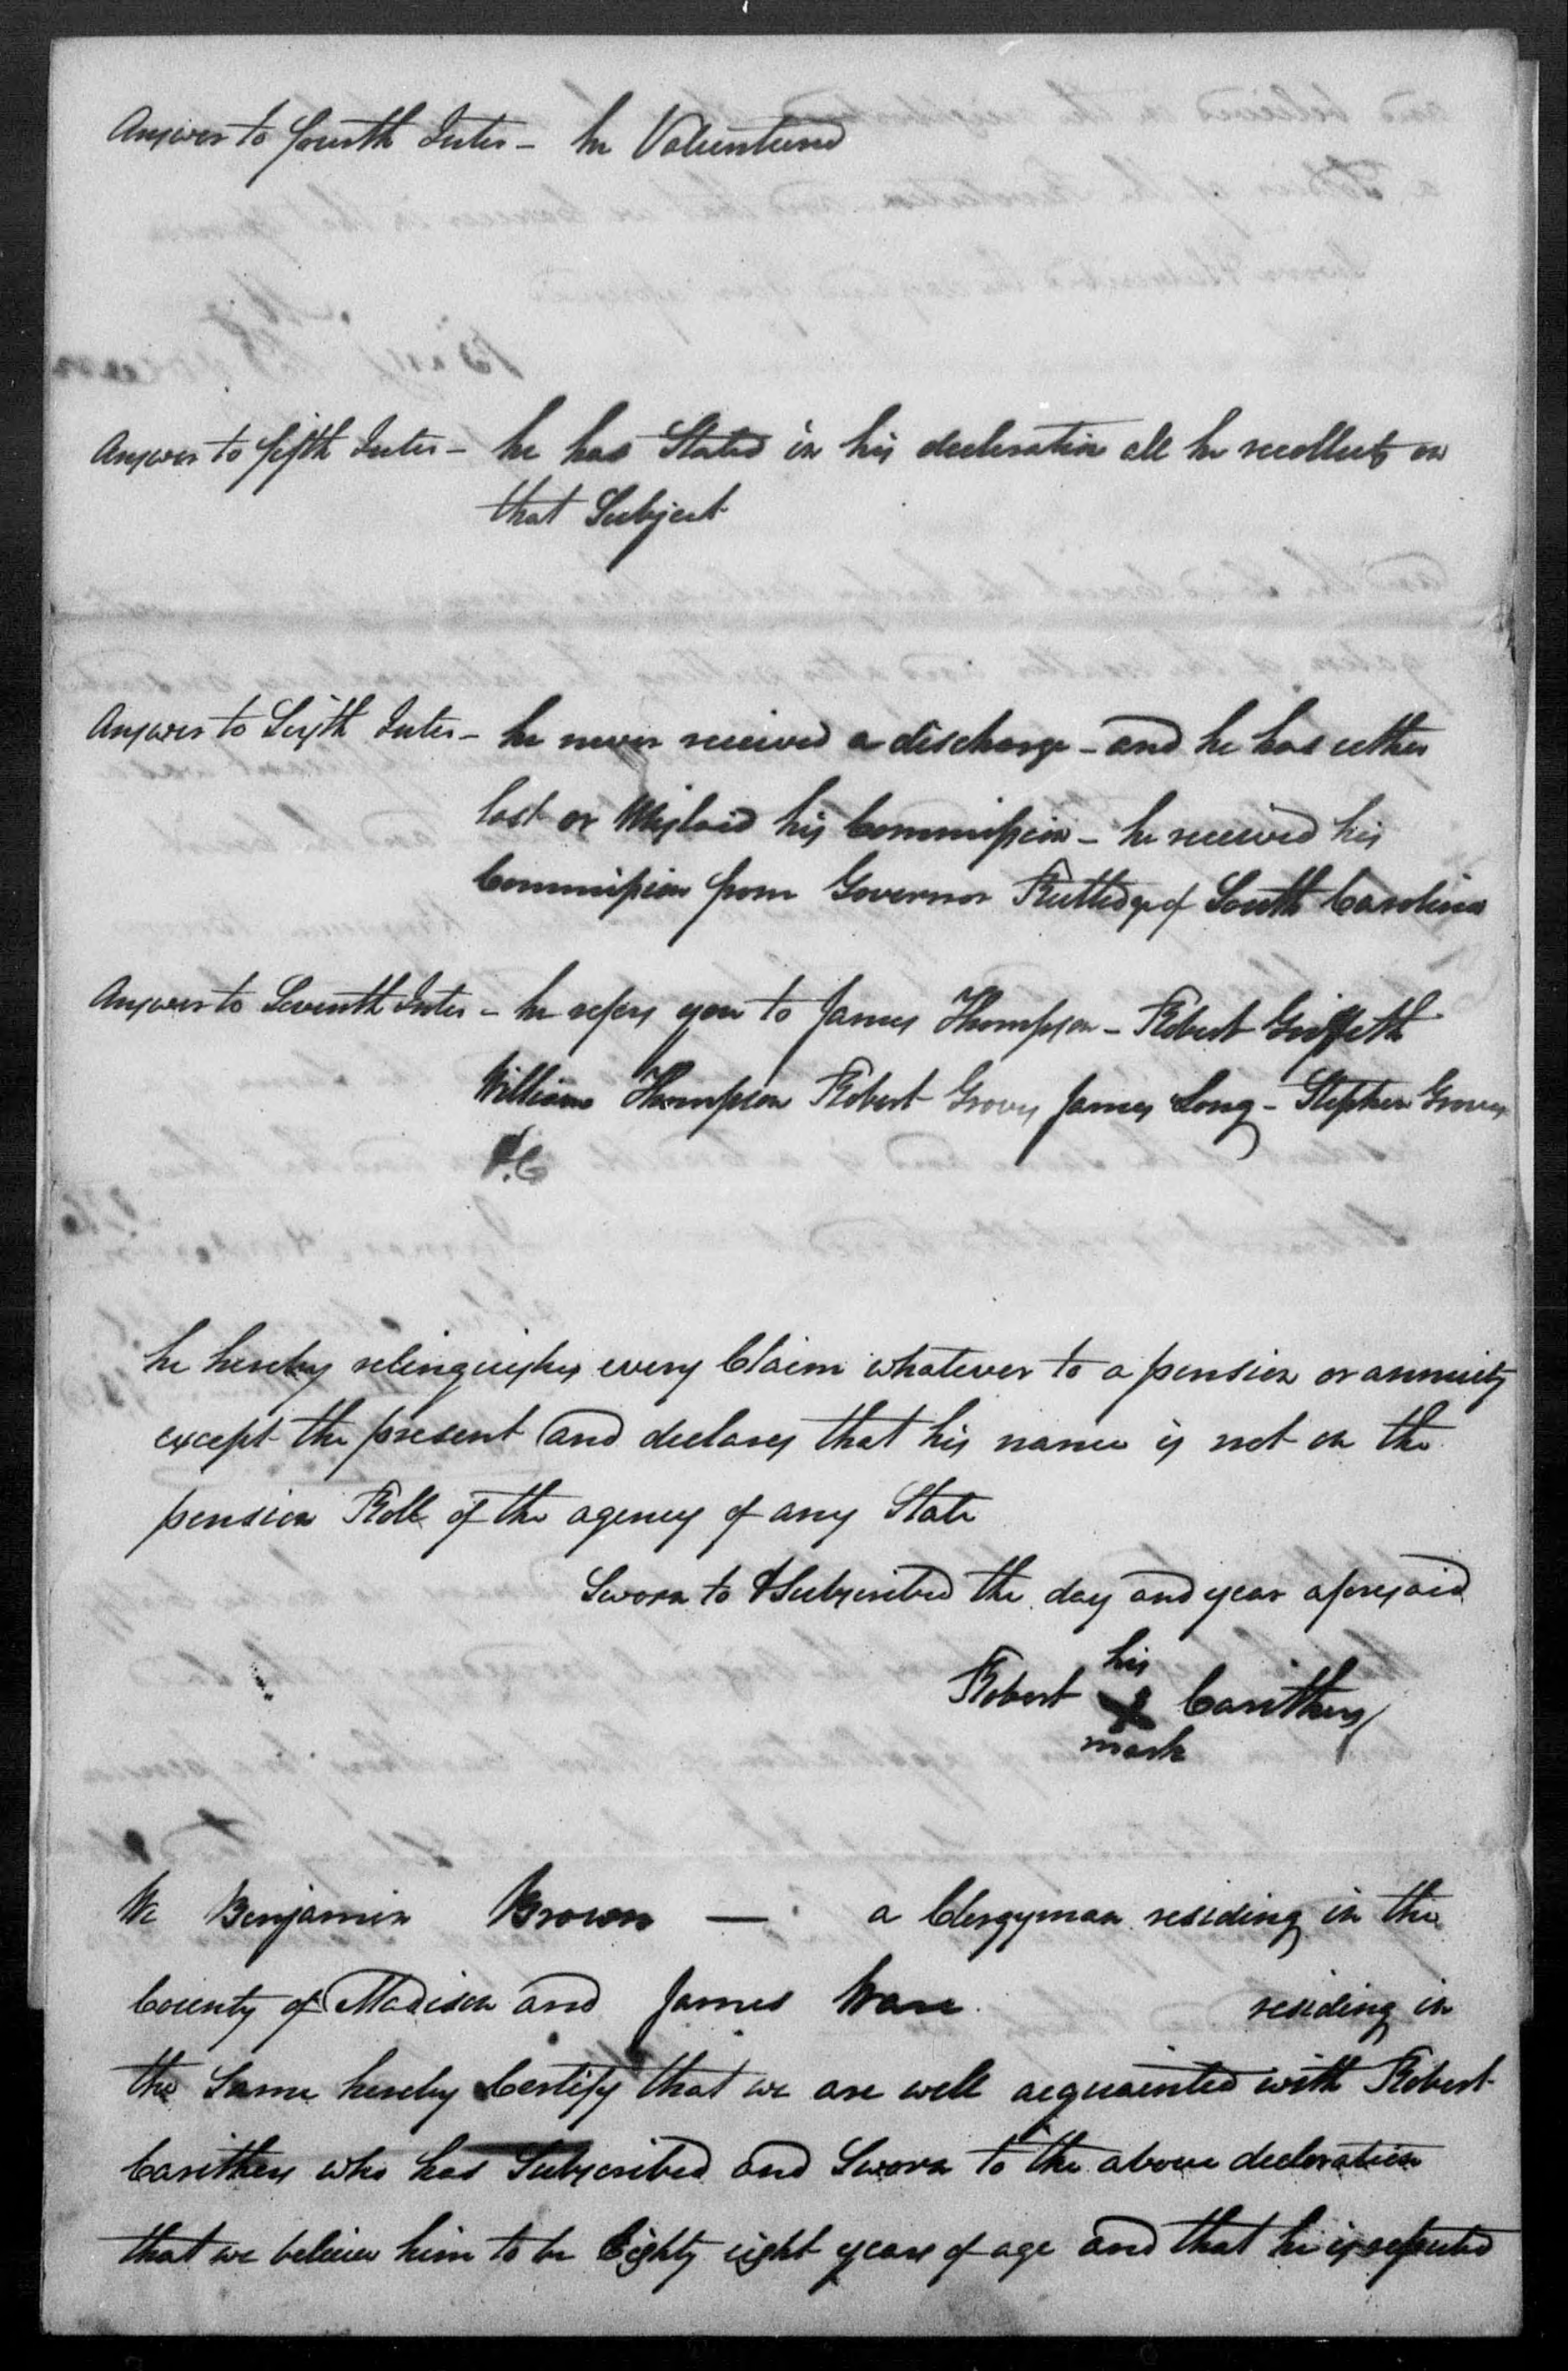he hereby relinquishes every claim whatever to a pension or annuity
except the present and declares that his name is not on the
pension Roll of the agency of any State
Sworn to & subscribed the day and year aforesaid

Robert Carithers
his mark

Mr Benjamin Brown - a clergyman residing in the county of Madison and James Ware. 
The sworn herby certify that we are well acquainted with Robert Carithers who has subscribed and sworn to the above declaration that we believe him to be eighty eight years of age and that he is reputed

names: Benjamin Brown, Robert Carithers, Robert Carithers, William Thompson, James Thompson, James Long, James Ware, Stephen Groves, Robert Groves, Robert Griffeth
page: 5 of 33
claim: widow's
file: W. 23779, Robert Carithers, S.C.